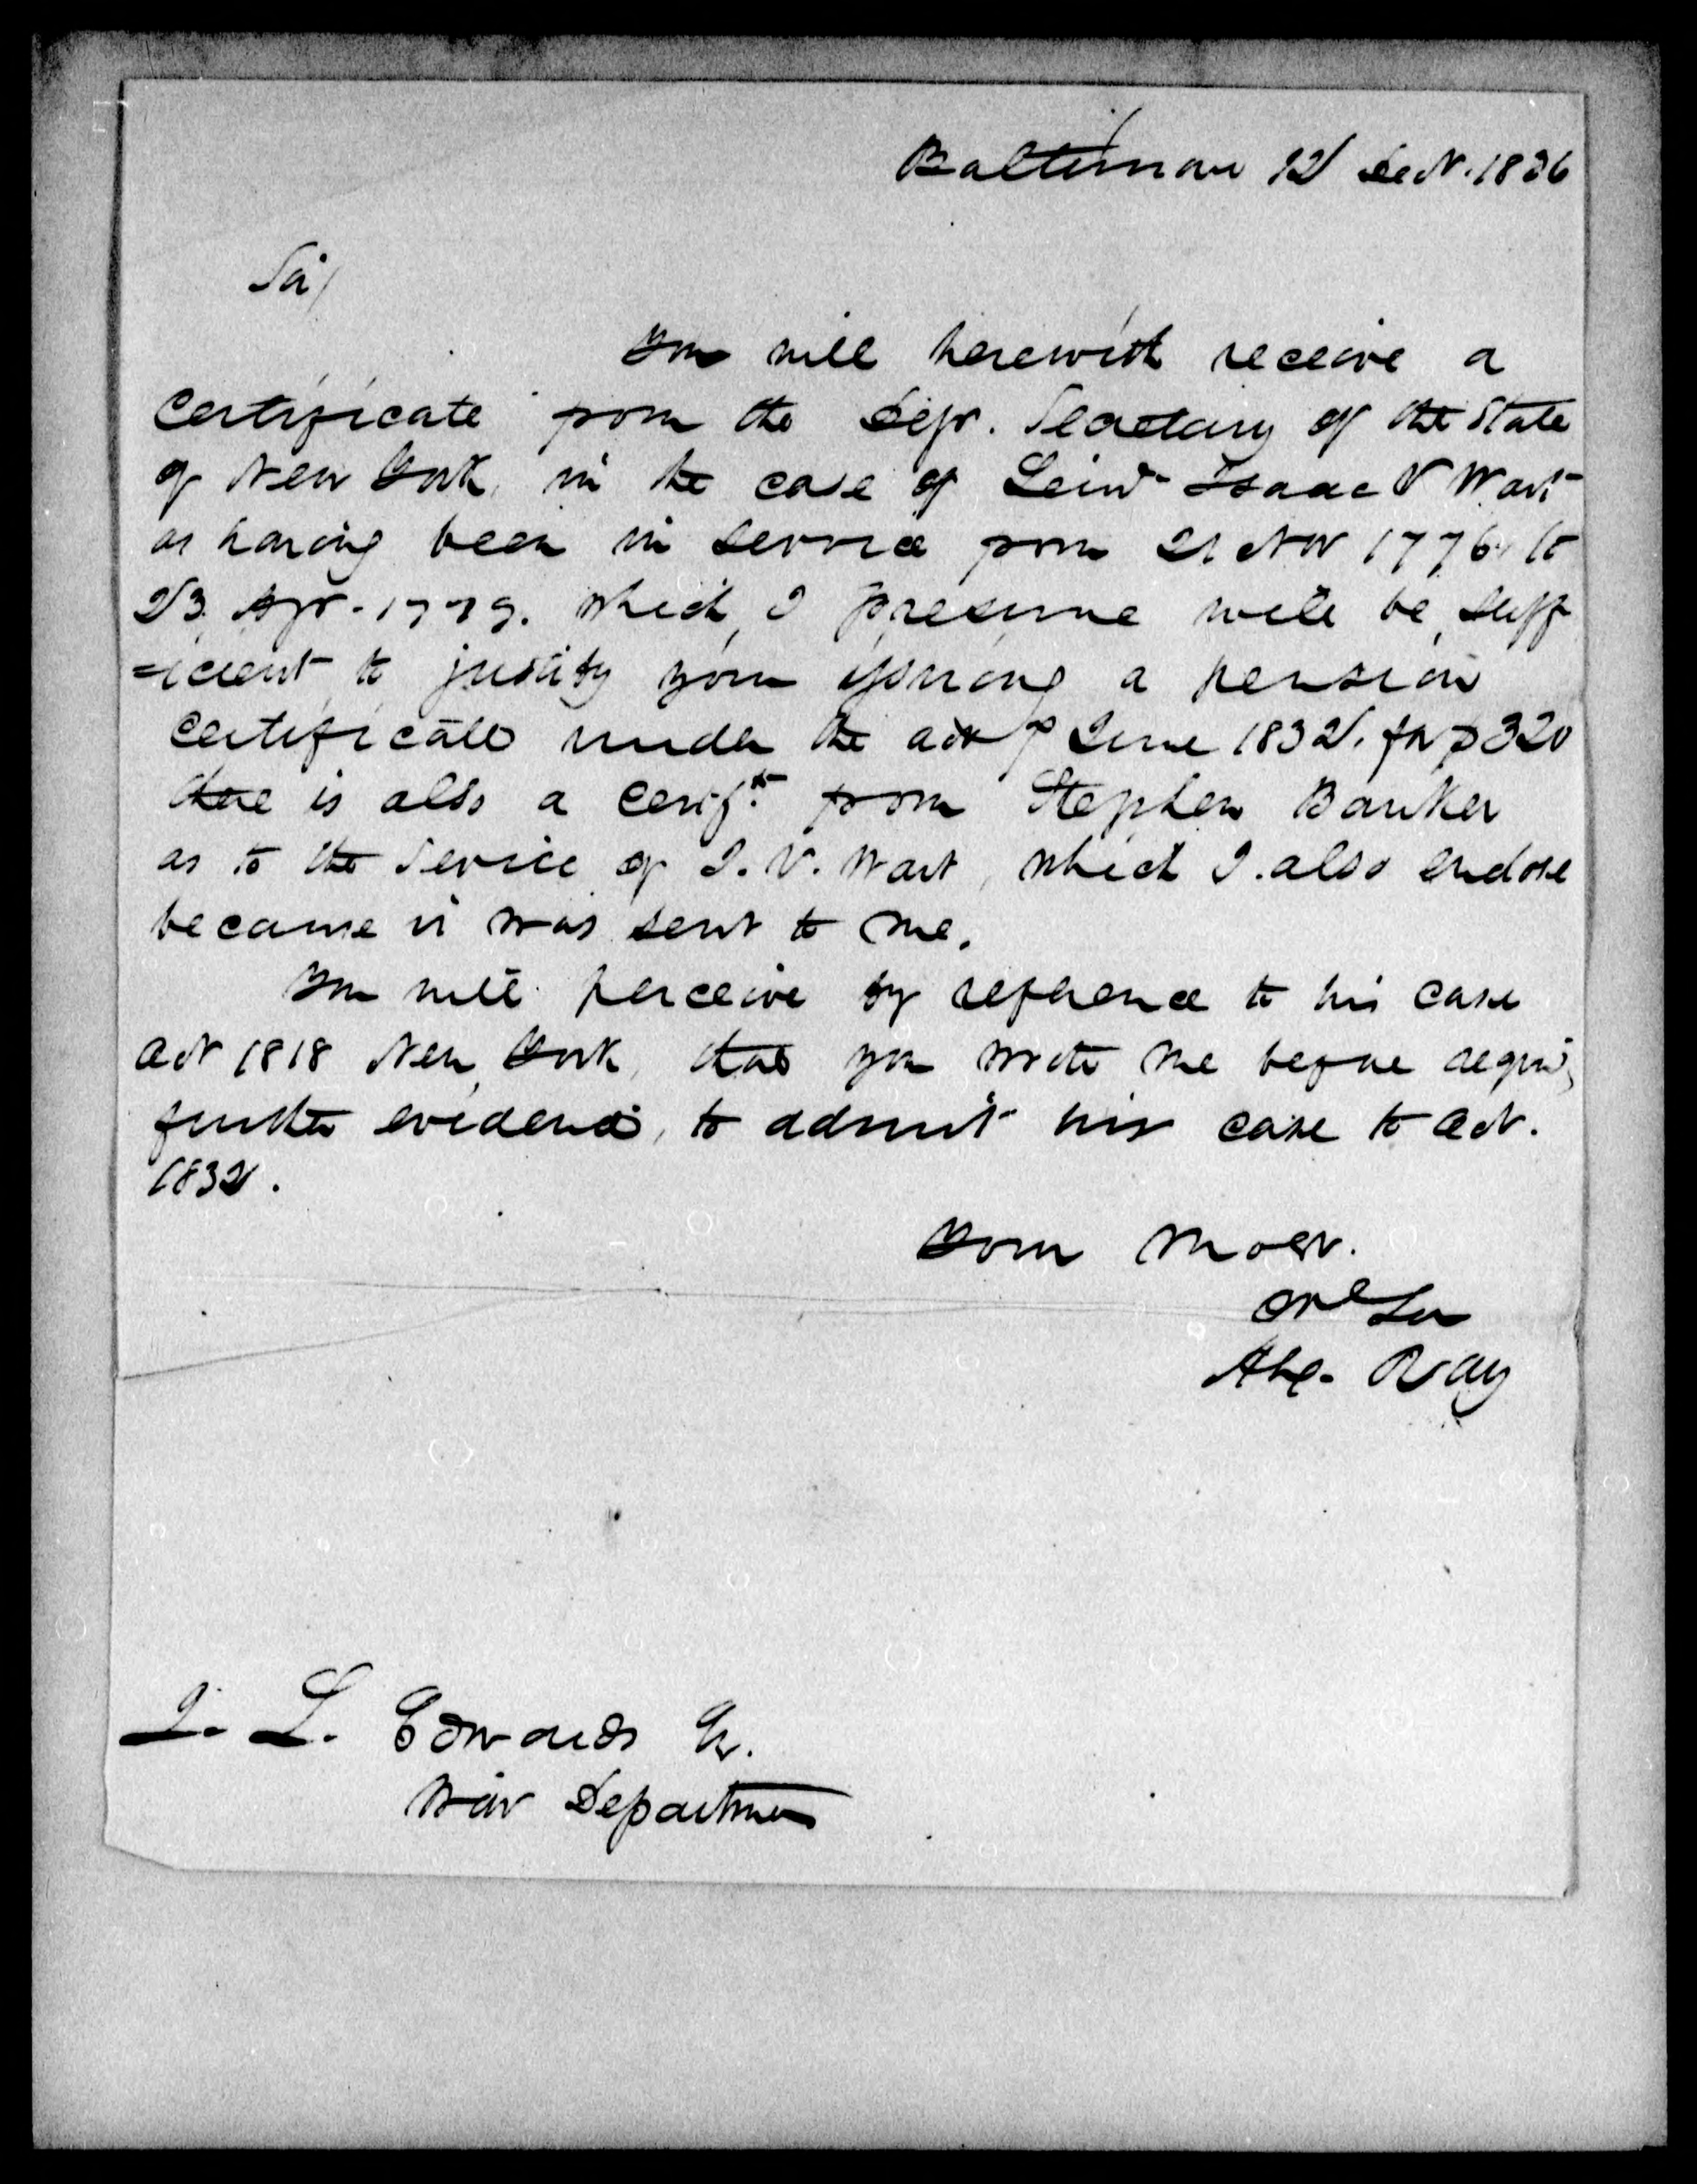Baltimore 12 Decr. 1836 
Sir
You will herewith receive a certificate from the Depr. Secretary of the State of New York in the case of Leiut Isaac V Wart as having been in service from 21 Nov 1776 to 23 Apr. 1779. which I presume will be sufficient to justify your issuing a pension certificate under the act of June 1832, for $320 there is also a certifte. from Stephen Banker as to the service of I. V. Wart, which I also endorse because it was sent to me.
You will perceive by reference to his case Act 1818 New York, that you wrote me before [requesting] further evidence, to admit his case to act 1832 
Your Most Obt Ser 
Alex. Ray

J. L. Edwards Esq. 
War Department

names: Abe Ray, I V Wart, Stephen Banker, Isaac V Wart, J L Edwards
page: 48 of 102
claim: widow's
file: W. 18239, Isaac Van Wart, New York